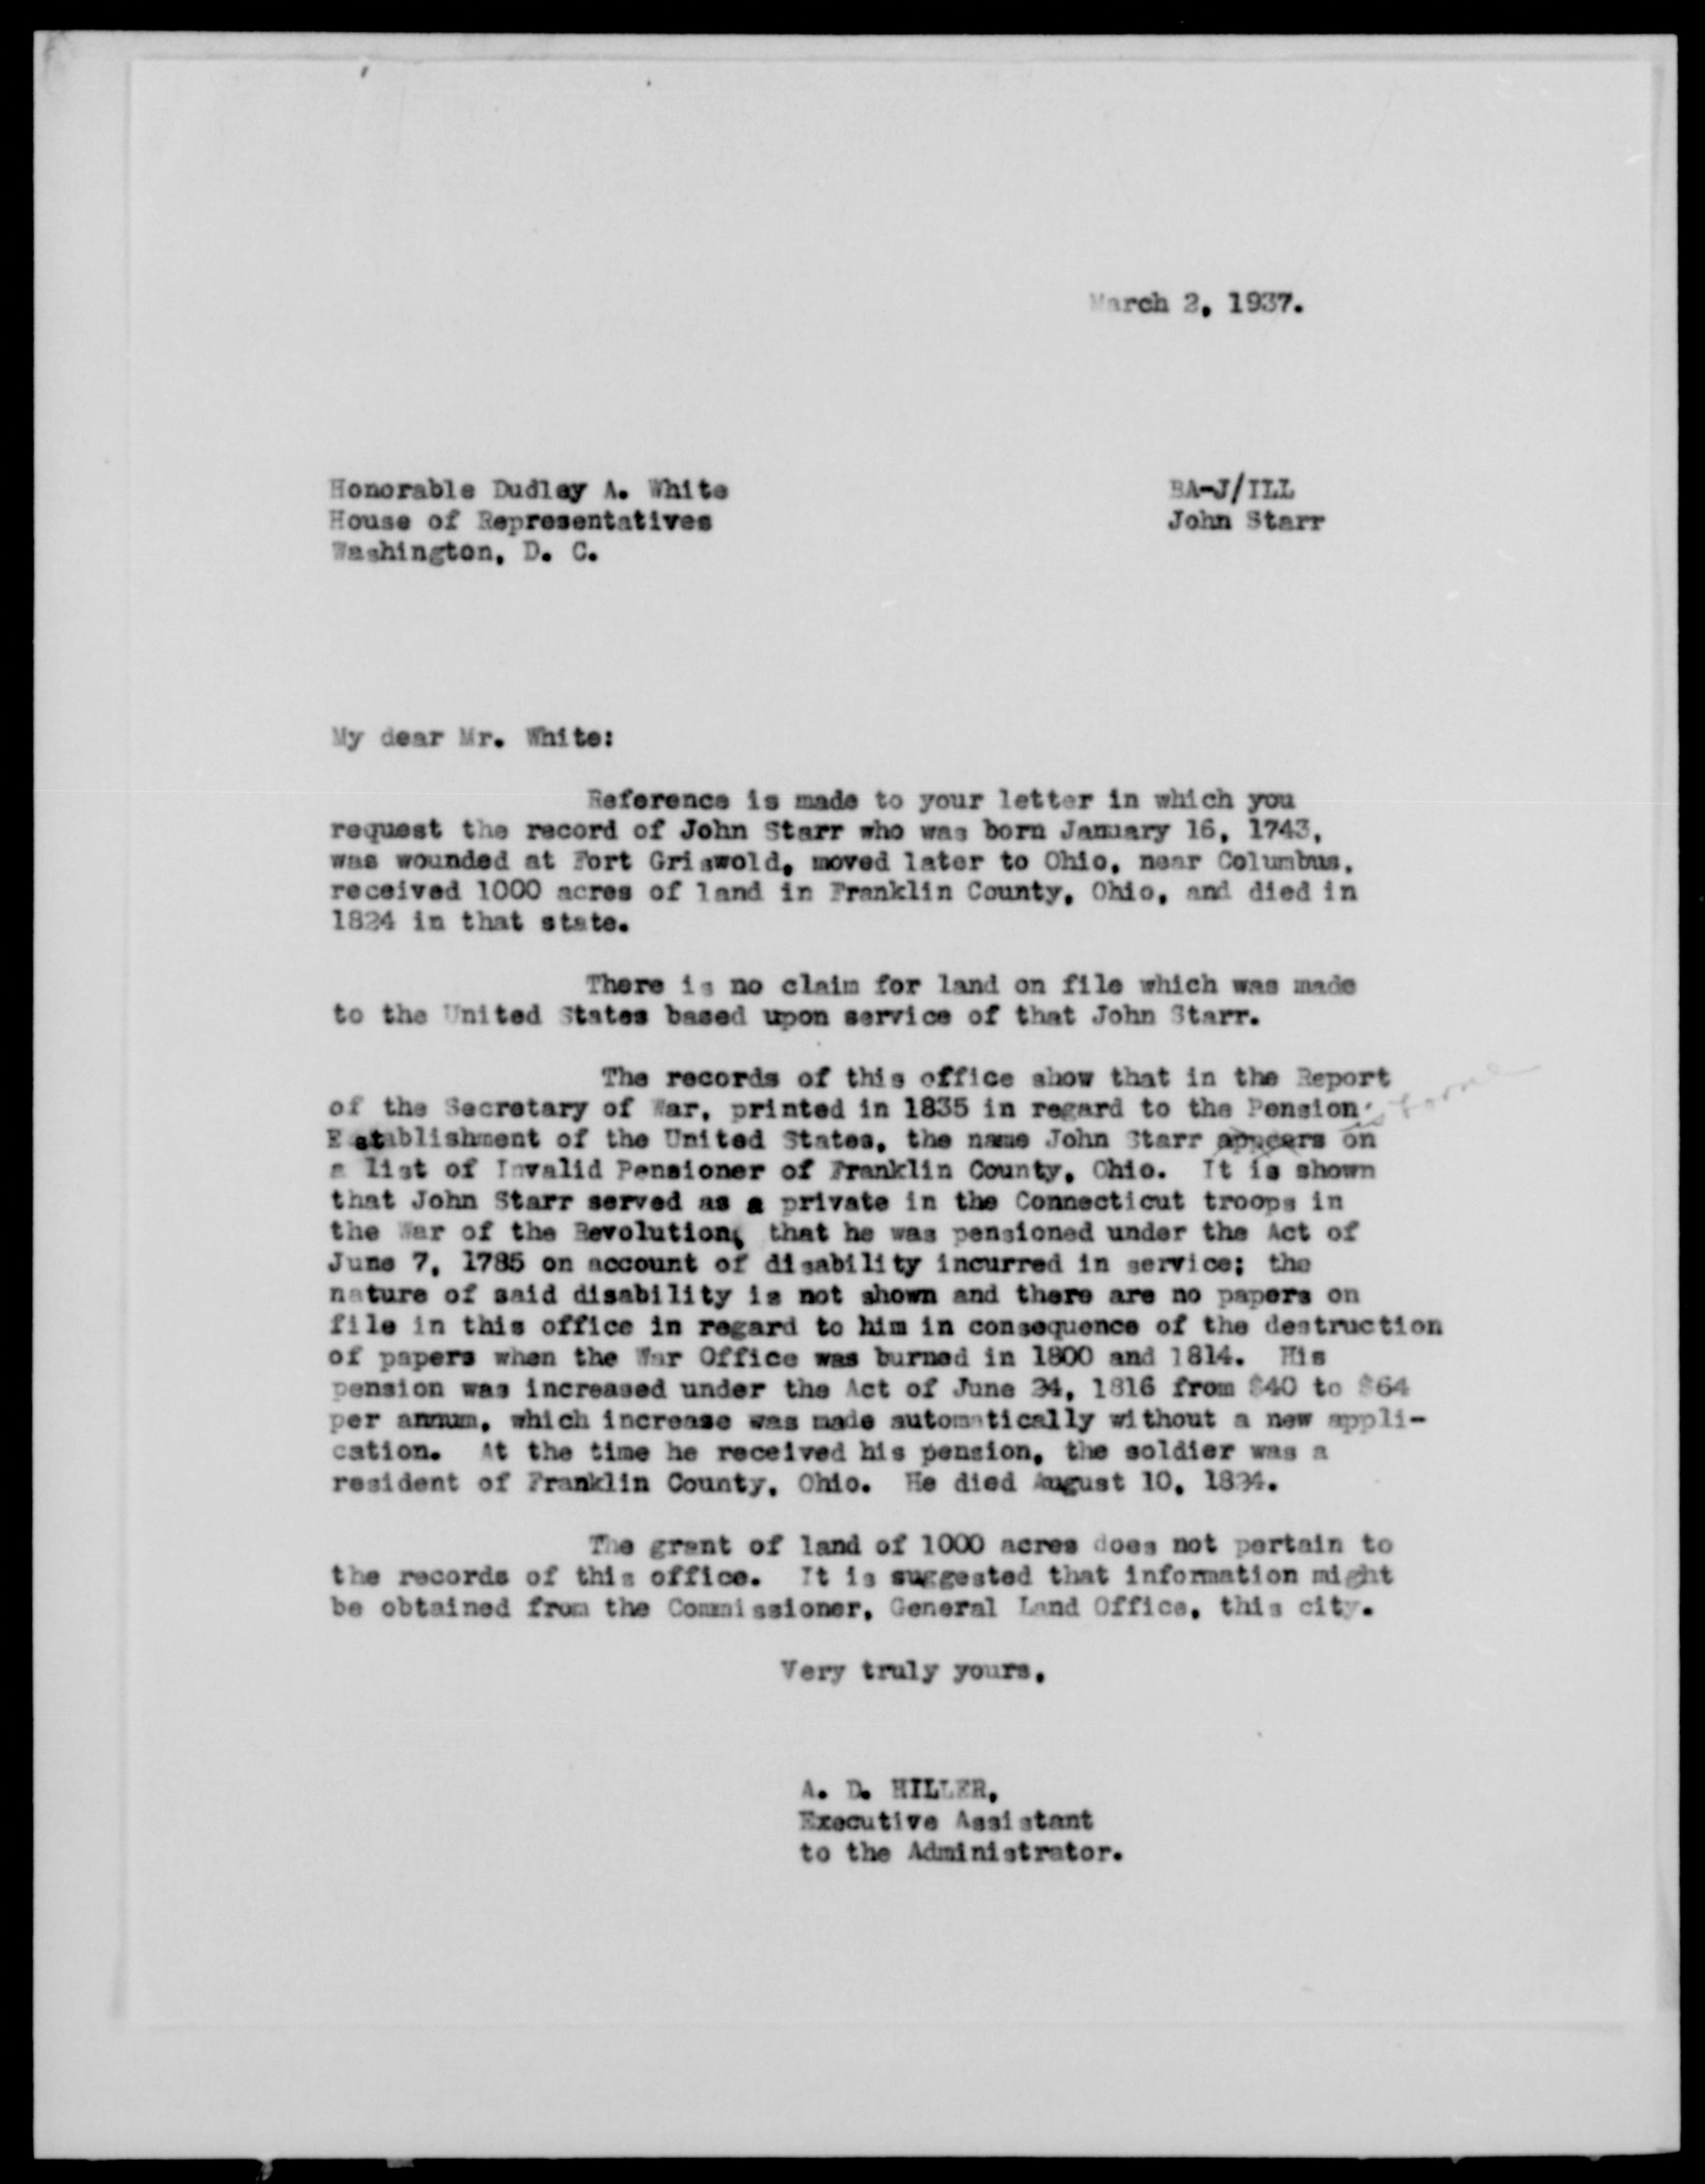March 2, 1937.
Honorable Dudley A. White
House of Representatives                                     BA-J/ILL
Washington, D. C.                                                John Starr

My dear Mr. White:
Reference is made to your letter in which you
request the record of John Starr who was born January 16, 1743,
was wounded at Fort Griswold, moved later to Ohio, near Columbus,
received 1000 acres of land in Franklin County, Ohio, and died in
1824 in that state.
There is no claim for land on file which was made
to the United States based upon service of that John Starr.
The records of this office show that in the Report
of the Secretary of War, printed in 1835 in regard to the Pension
Establishment of the United States, the name John Starr (appears) is borne on
a list of Invalid Pensioner of Franklin County, Ohio. It is shown
that John Starr served as a private in the Connecticut troops in
the War of the Revolution, that he was pensioned under the Act of
June 7, 1785, on account of disability incurred in service; the
nature of said disability is not shown and there are no papers on
file in this office in regard to him in consequence of the destruction
of papers when the War Office was burned in 1800 and 1814. His
pension was increased under the Act of June 24, 1816 from $40 to 64
per annum, which increase was made automatically without a new appli-
cation. At the time he received his pension, the soldier was a
resident of Franklin County, Ohio. He died August 10, 1834.
The grant of land of 1000 acres does not pertain to
the records of this office. It is suggested that information might
be obtained from the Commissioner, General Land Office, this city.
Very truly yours,
A. D. HILLER,
Executive Assistant
to the Administrator.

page: 5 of 7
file: for John Starr, Connecticut